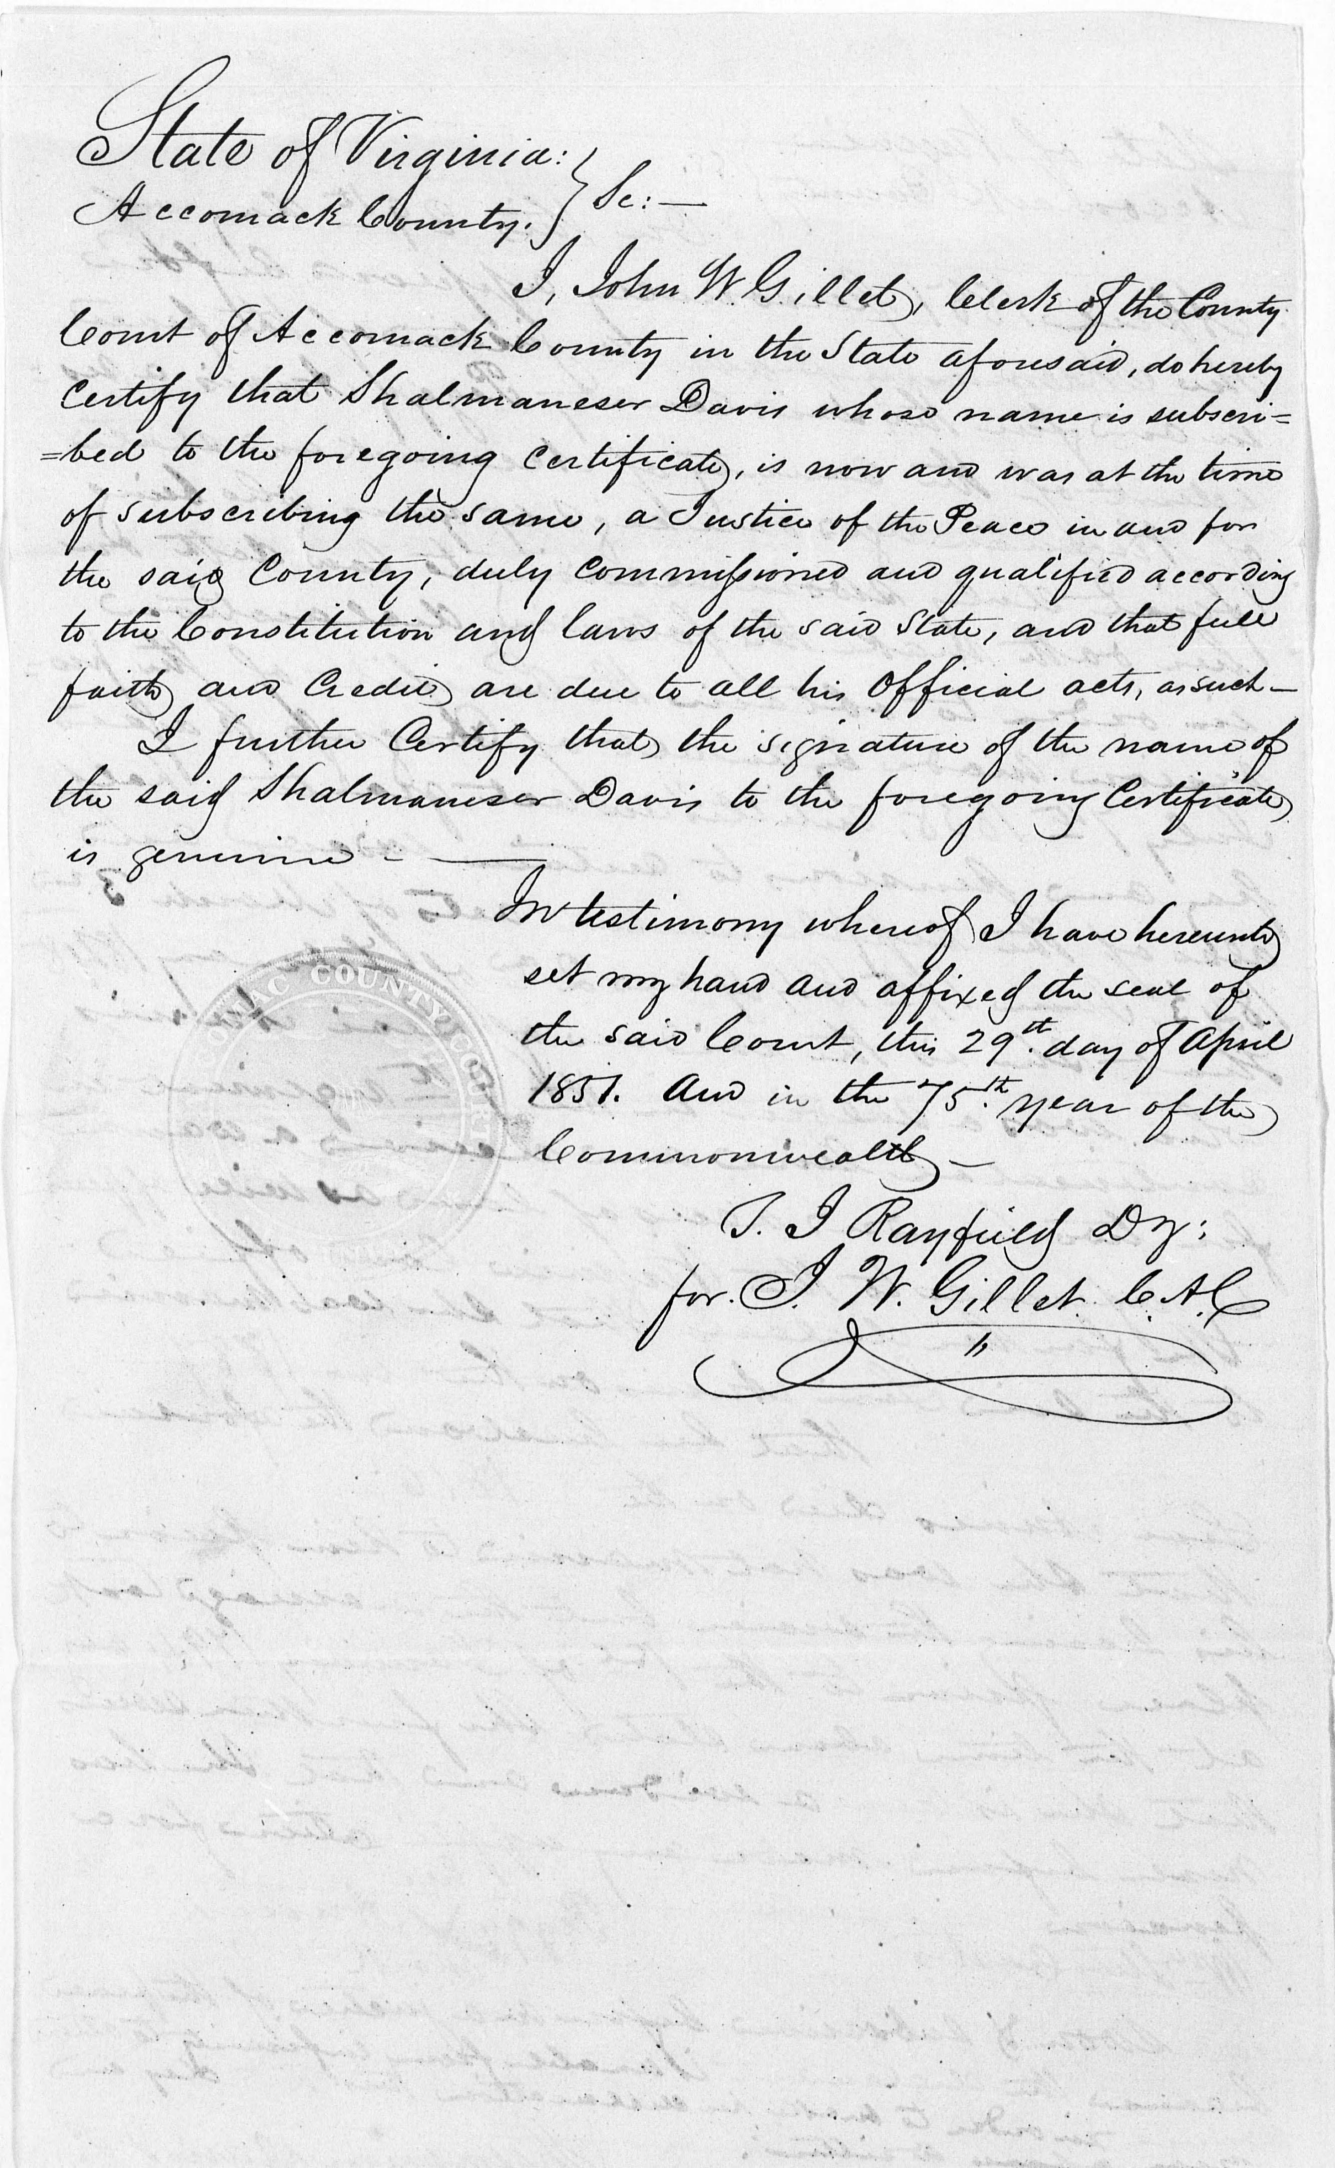State of Virginia }
Accomack County.}  Sc:-
I, John W. Gillet, clerk of the County Court of Accomack County the State aforesaid, do hereby certify that Shalmaneser Davis whose name is subscribed to the foregoing certificate is now and was a the time of subscribing the same, a Justice of the Peace in and for the said County, duly commissioned and qualified according to the Constitution and laws of the said State, and that full faith and credit are due to all his official acts, as such - 
I further Certify that, the signature of the name of the said Shalmaneser Davis to the foregoing Certificate, is genuine - 
In testimony whereof I have hereunto set my hand and affixed the seal of the said Court, this 29th day of April 1851. And in the 75th year of the Commonwealth -
S. J. Rayfield Dz:
for J. W. Gillet C.A. C.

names: Shalmaneser Davis, Shalmaneser Davis, J W Gillet, S J Rayfield, John W Gillet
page: 7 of 27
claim: widow's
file: W 5624, Levi Annis, Va. Va. Sea Service